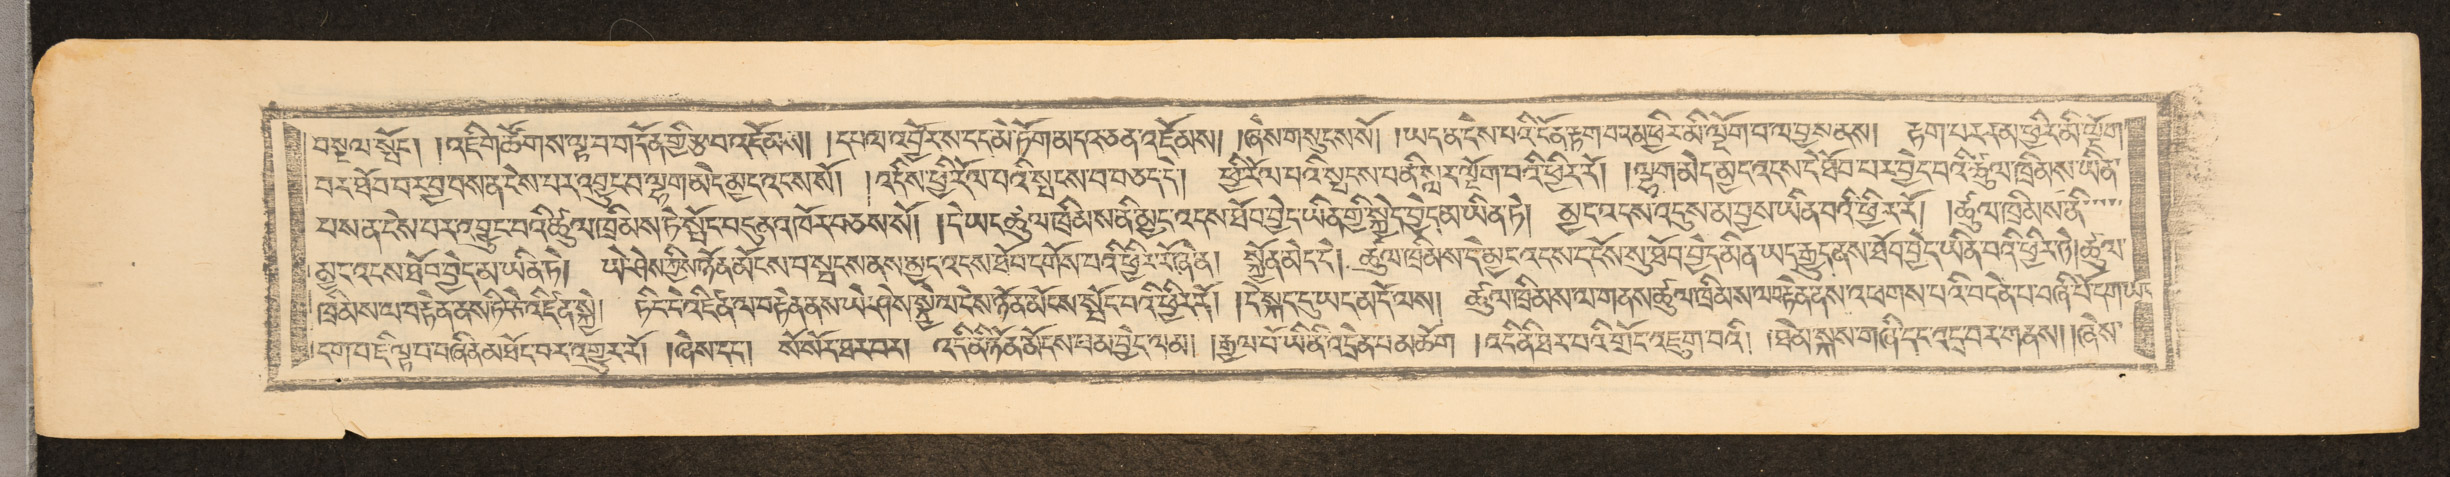བསྔལ་སྤོང་། །འཇིག་ཚོགས་ལྟ་བ་གདོན་གྱི་རྩ་བ་འཇོམས། །དཔལ་འབྱོར་ས་དང་མེ་ཏོག་མདའ་ཅན་འཇོམས། །ཞེས་གསུངས་སོ། །ཡང་ན་དེས་བའི་དོན་རྟག་པའམ་ཕྱིར་མི་ལྡོག་པ་ལ་བྱས་ནས། རྟག་པར་རམ་ཕྱིར་མི་ལྡོག་
པར་ཐོབ་པར་བྱ་བས་ན་ངེས་པར་འབྱུང་བ་ལྷག་མེད་མྱང་འདས་སོ། །འདིས་ཕྱི་རོལ་པའི་སྤངས་པ་བཅད་དེ། ཕྱི་རོལ་པའི་སྤངས་པ་ནི་སླར་ལྡོག་པའི་ཕྱིར་རོ། །ལྷག་མེད་མྱང་འདས་དེ་ཐོབ་པར་བྱེད་པའི་ཚུལ་ཁྲིམས་ཡིན་
པས་ན་ངེས་པར་འབྱུང་བའི་ཚུལ་ཁྲིམས་ཏེ་སྤོང་བདུན་འཁོར་བཅས་སོ། །དེ་ཡང་ཚུལ་ཁྲིམས་ནི་མྱང་འདས་ཐོབ་བྱེད་ཡིན་གྱི་སྐྱེད་བྱེད་མ་ཡིན་ཏེ། མྱང་འདས་འདུས་མ་བྱས་ཡིན་པའི་ཕྱིར་རོ། །ཚུལ་ཁྲིམས་ནི་
མྱང་འདས་ཐོབ་བྱེད་མ་ཡིན་ཏེ། ཡེ་ཤེས་གྱིས་ཉོན་མོངས་པ་སྤངས་ནས་མྱང་འདས་ཐོབ་དགོས་པའི་ཕྱིར་རོ་ཞེ་ན། སྐྱོན་མེད་དེ། ཚུལ་ཁྲིམས་དེ་མྱང་འདས་དངོས་སུ་ཐོབ་བྱེད་མིན་ཡང་རྒྱུད་ནས་ཐོབ་བྱེད་ཡིན་པའི་ཕྱིར་ཏེ། ཚུལ་
ཁྲིམས་ལ་བརྟེན་ནས་ཏིང་ངེ་འཛིན་སྐྱེ། ཏིང་ངེ་འཛིན་ལ་བརྟེན་ནས་ཡེ་ཤེས་སྐྱེ་ལ་དེས་ཉོན་མོངས་སྤོང་པའི་ཕྱིར་རོ། །དེ་སྐད་དུ་ཡང་མདོ་ལས། ཚུལ་ཁྲིམས་ལ་གནས་ཚུལ་ཁྲིམས་ལ་བརྟེན་ནས་འཕགས་པའི་བདེན་པ་བཞི་པོ་དག་ཡང་
དག་པ་ཇི་ལྟ་བ་བཞིན་མཐོང་བར་འགྱུར་རོ། །ཞེས་དང་། སོ་སོར་ཐར་བར། འདི་ནི་ཉོན་མོངས་ཕམ་བྱེད་ལམ། །རྒྱལ་པོ་ཡི་ནི་འདྲེན་པ་མཆོག །འདི་ནི་ཐར་པའི་གྲོང་འཇུག་པའི། །ཐེམ་སྐས་གཞི་དང་འདྲ་བར་གནས། །ཞེས་